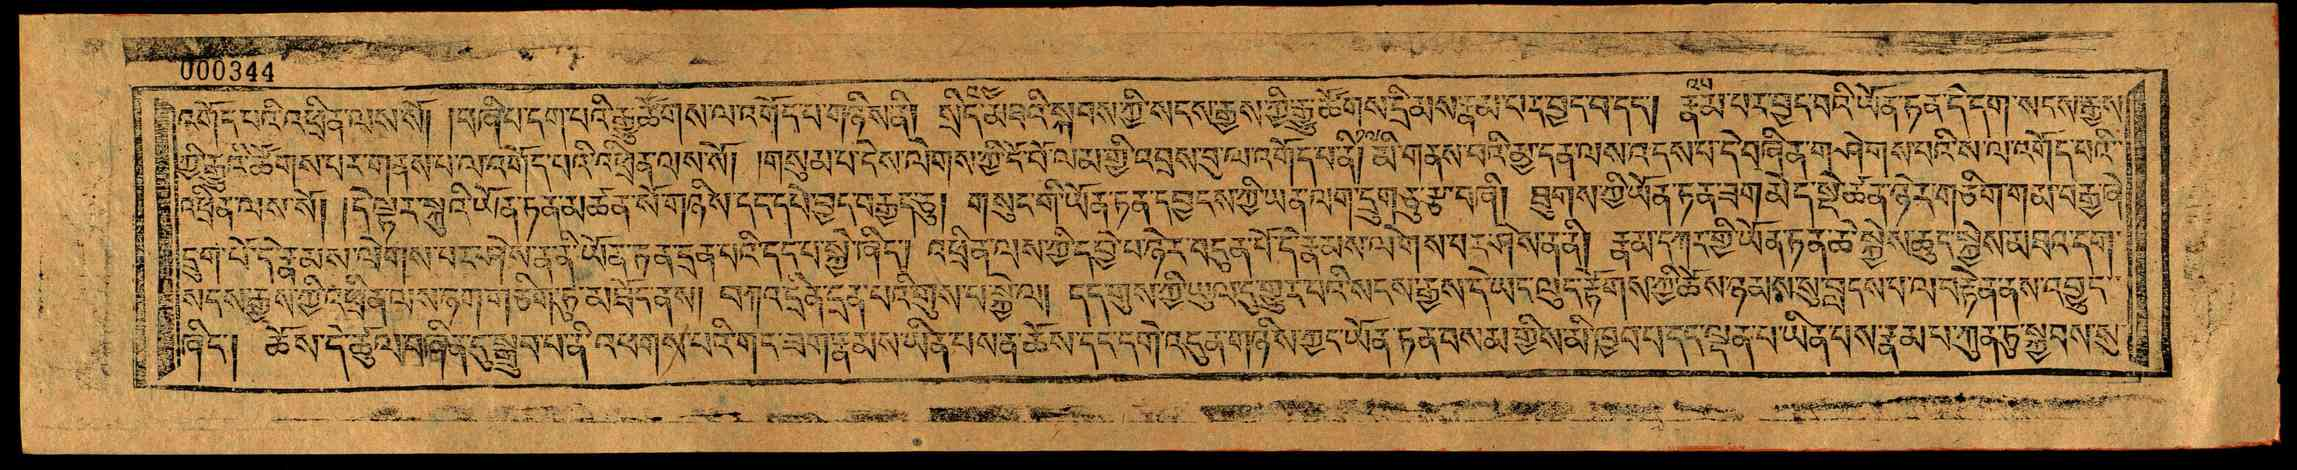འགོད་པའི་འཕྲིན་ལས་སོ། །བཞི་པ་དགེ་བའི་རྒྱུ་ཚོགས་ལ་འགོད་པ་གཉིས་ནི། །༢༤་སྲིད་མཐའི་སྐབས་ཀྱི་སངས་རྒྱས་ཀྱི་རྒྱུ་ཚོགས་དྲི་མས་རྣམ་པར་བྱང་བ་དང་། ༢༥་རྣམ་པར་བྱང་བའི་ཡོན་ཏན་དེ་དག་སངས་རྒྱས་
ཀྱི་རྒྱུའི་ཚོགས་པར་གནས་པ་ལ་འགོད་པའི་འཕྲིན་ལས་སོ། །གསུམ་པ་ངེས་ལེགས་ཀྱི་ངོ་བོ་ལམ་གྱི་འབྲས་བུ་ལ་འགོད་པ་ནི། ༢༧་མི་གནས་པའི་མྱ་ངན་ལས་འདས་བ་དེ་བཞིན་གཤེགས་པའི་ས་ལ་འགོད་པའི་
འཕྲིན་ལས་སོ། །དེ་ལྟར་སྐུའི་ཡོན་ཏན་མཚན་སོ་གཉིས་དང་དཔེ་བྱད་བརྒྱད་ཅུ། གསུང་གི་ཡོན་ཏན་དབྱངས་ཀྱི་ཡན་ལག་དྲུག་ཅུ་རྩ་བཞི། ཐུགས་ཀྱི་ཡོན་ཏན་ཟག་མེད་སྡེ་ཚན་ཉེར་གཅིག་གམ་བརྒྱ་ཞེ་
དྲུག་པོ་དེ་རྣམས་ལེགས་པར་ཤེས་ན་ནི་ཡོན་ཏན་དྲན་པའི་དད་པ་སྐྱེ་ཞིང་། འཕྲིན་ལས་ཀྱི་དབྱེ་བ་ཉེར་བདུན་པོ་དེ་རྣམས་ལེགས་པར་ཤེས་ན་ནི། རྣམ་དཀར་གྱི་ཡོན་ཏན་ཆེ་སྐྱེས་ཆུང་སྐྱེས་མཐའ་དག་
སངས་རྒྱས་ཀྱི་འཕྲིན་ལས་ཉག་གཅིག་ཏུ་མཐོང་ནས། བཀའ་དྲིན་དྲན་པའི་གུས་པ་སྐྱེ་ལ། དད་གུས་ཀྱི་ཡུལ་དུ་གྱུར་པའི་སངས་རྒྱས་དེ་ཡང་ལུང་རྟོགས་ཀྱི་ཆོས་ཉམས་སུ་བླངས་པ་ལ་བརྟེན་ནས་འབྱུང་
ཞིང་། ཆོས་དེ་ཚུལ་བཞིན་དུ་སྒྲུབ་པ་ནི་འཕགས་པའི་གང་ཟག་རྣམས་ཡིན་པས་ན་ཆོས་དང་དགེ་འདུན་གཉིས་ཀྱང་ཡོན་ཏན་བསམ་གྱིས་མི་ཁྱབ་པ་དང་ལྡན་པ་ཡིན་པས་རྣམ་པ་ཀུན་ཏུ་སྐྱབས་སུ་